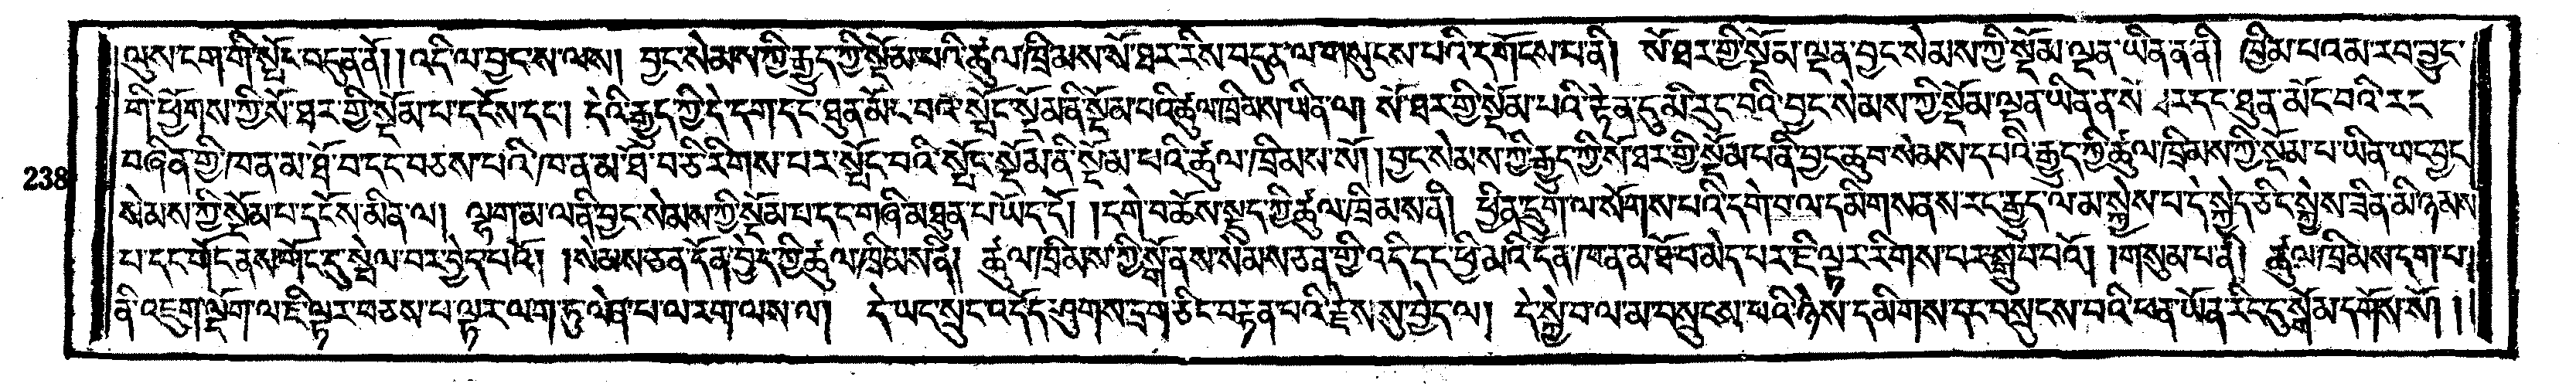ལུས་ངག་གི་སྤོང་བདུན་ནོ། །འདི་ལ་བྱང་ས་ལས། བྱང་སེམས་ཀྱི་རྒྱུད་ཀྱི་སྡོམ་པའི་ཚུལ་ཁྲིམས་སོ་ཐར་རིས་བདུན་ལ་གསུངས་པའི་དགོངས་པ་ནི། སོ་ཐར་གྱི་སྡོམ་ལྡན་བྱང་སེམས་ཀྱི་སྡོམ་ལྡན་ཡིན་ན་ནི། ཁྱིམ་པའམ་རབ་བྱུང་
གི་ཕྱོགས་ཀྱི་སོ་ཐར་གྱི་སྡོམ་པ་དངོས་དང་། དེའི་རྒྱུད་ཀྱི་དེ་དག་དང་ཐུན་མོང་བའི་སྤོང་སྡོམ་ནི་སྡོམ་པའི་ཚུལ་ཁྲིམས་ཡིན་ལ། སོ་ཐར་གྱི་སྡོམ་པའི་རྟེན་དུ་མི་རུང་བའི་བྱང་སེམས་ཀྱི་སྡོམ་ལྡན་ཡིན་ན་སོ་ཐར་དང་ཐུན་མོང་བའི་རང་
བཞིན་གྱི་ཁ་ན་མ་ཐོ་བ་དང་བཅས་པའི་ཁ་ན་མ་ཐོ་བ་ཅི་རིགས་པར་སྤོང་བའི་སྤོང་བའི་སྤོང་སྡོམ་ནི་སྡོམ་པའི་ཚུལ་ཁྲིམས་སོ། །བྱང་སེམས་ཀྱི་རྒྱུད་ཀྱི་སོ་ཐར་གྱི་སྡོམ་པ་ནི་བྱང་ཆུབ་སེམས་དཔའི་རྒྱུད་ཀྱི་ཚུལ་ཁྲིམས་ཀྱི་སྡོམ་པ་ཡིན་ཡང་བྱང་
སེམས་ཀྱི་སྡོམ་པ་དངོས་མིན་ལ། ལྷག་མ་ལ་ནི་བྱང་སེམས་ཀྱི་སྡོམ་པ་དང་གཞི་མཐུན་པ་ཡོད་དོ། །དགེ་བ་ཆོས་སྡུད་ཀྱི་ཚུལ་ཁྲིམས་ནི། ཕྱིན་དྲུག་ལ་སོགས་པའི་དགེ་བ་ལ་དམིགས་ནས་རང་རྒྱུད་ལ་མ་སྐྱེས་པ་དེ་སྐྱེད་ཅིང་སྐྱེས་ཟིན་མི་ཉམས་
པ་དང་གོང་ནས་གོང་དུ་སྤེལ་བར་བྱེད་པའོ། །སེམས་ཅན་དོན་བྱེད་ཀྱི་ཚུལ་ཁྲིམས་ནི། ཚུལ་ཁྲིམས་ཀྱི་སྒོ་ནས་སེམས་ཅན་གྱི་འདི་དང་ཕྱི་མའི་དོན་ཁ་ན་མ་ཐོ་བ་མེད་པར་ཇི་ལྟར་རིགས་པར་སྒྲུབ་པའོ། །གསུམ་པ་ནི། ཚུལ་ཁྲིམས་དག་པ་
ནི་འཇུག་ལྡོག་ལ་ཇི་ལྟར་བཅས་པ་ལྟར་ལག་ཏུ་ལེན་པ་ལ་རག་ལས་ལ། དེ་ཡང་སྲུང་འདོད་ཤུགས་དྲག་ཅིང་བརྟན་པའི་རྗེས་སུ་བྱེད་ལ། དེ་སྐྱེ་བ་ལ་མ་བསྲུངས་པའི་ཉེས་དམིགས་དང་བསྲུངས་བའི་ཕན་ཡོན་རིང་དུ་སྒོམ་དགོས་སོ། །